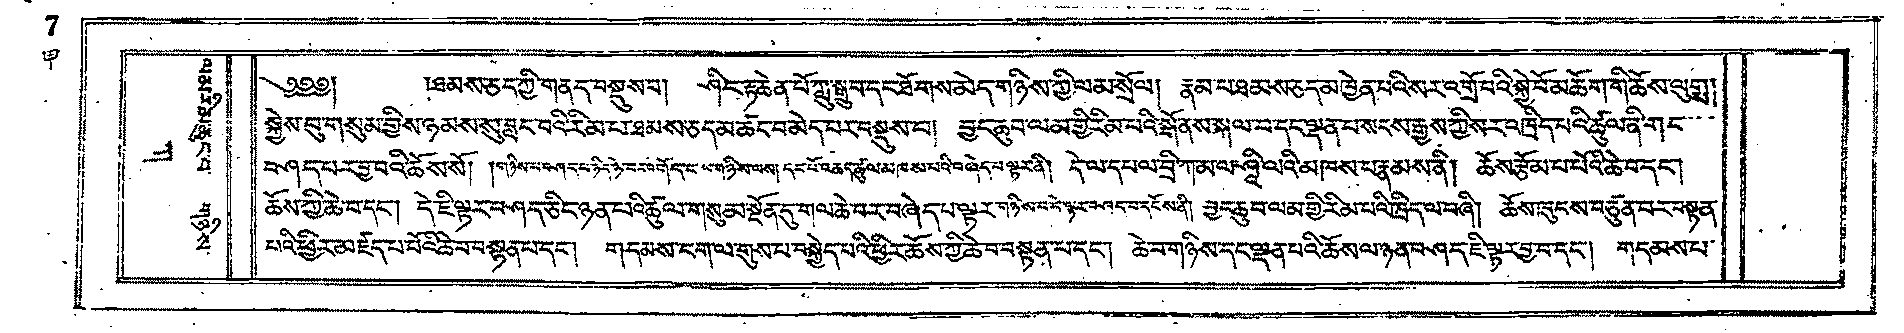༄༅༅། །ཐམས་ཅད་ཀྱི་གནད་བསྡུས་པ། ཤིང་རྟ་ཆེན་པོ་ཀླུ་སྒྲུབ་དང་ཐོགས་མེད་གཉིས་ཀྱི་ལམ་སྲོལ། རྣམ་པ་ཐམས་ཅད་མཁྱེན་པའི་སར་འགྲོ་བའི་སྐྱེ་བོ་མཆོག་གི་ཆོས་ལུགས།
སྐྱེས་བུ་གསུམ་གྱིས་ཉམས་སུ་བླང་བའི་རིམ་པ་ཐམས་ཅད་མ་ཚང་བ་མེད་པར་བསྡུས་པ། བྱང་ཆུབ་ལམ་གྱི་རིམ་པའི་སྒོ་ནས་སྐལ་བ་དང་ལྡན་པ་སངས་རྒྱས་ཀྱི་སར་འཁྲིད་པའི་ཚུལ་ནི་གང་
བཤད་པར་བྱ་བའི་ཆོས་སོ། །གཉིས་པ་བཤད་པ་ཉིད་ཉེ་བར་འགོད་པ་ལ་གཉིས་ལས། དང་པོ་འཆད་ཚུལ་མཁས་པའི་བཞེད་པ་ལྟར་ནི།  དེ་ལ་དཔལ་བྲི་ཀ་མ་ལ་ཤའི་ལའི་མཁས་པ་རྣམས་ནི། ཆོས་རྩོམ་པ་པོའི་ཆེ་བ་དང་།
ཆོས་ཀྱི་ཆེ་བ་དང་། དེ་ཇི་ལྟར་བཤད་ཅིང་ཉན་པའི་ཚུལ་གསུམ་སྔོན་དུ་གལ་ཆེ་བར་བཞེད་པ་ལྟར་གཉིས་བ་དེ་ལྟར་བཤད་པ་དངོས་ནི།  བྱང་ཆུབ་ལམ་གྱི་རིམ་པའི་ཁྲིད་ལ་བཞི། ཆོས་ཁུངས་བཙུན་པར་བསྟན་
པའི་ཕྱིར་མཛད་པ་པོའི་ཆེ་བ་བསྟན་པ་དང་། གདམས་ངག་ལ་གུས་པ་བསྐྱེད་པའི་ཕྱིར་ཆོས་ཀྱི་ཆེ་བ་བསྟན་པ་དང་། ཆེ་བ་གཉིས་དང་ལྡན་པའི་ཆོས་ལ་ཉན་བཤད་ཇི་ལྟར་བྱ་བ་དང་། གདམས་པ་